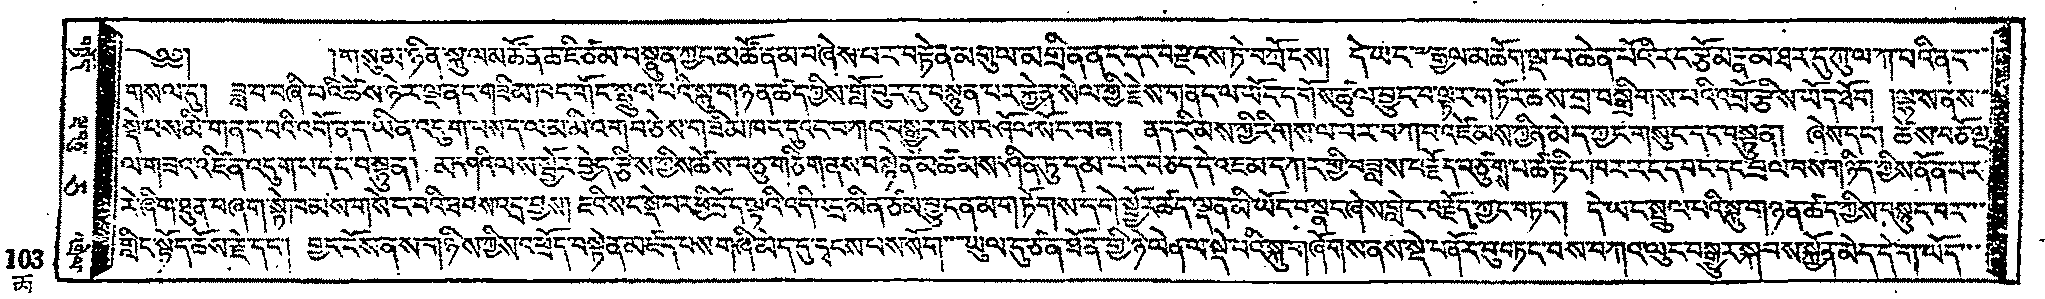༄༅། །གསུམ་ཉིན་སྐུ་ལ་མཚོན་ཆ་ཇི་ཙམ་བསྣུན་ཀྱང་མཚོན་མ་བཞེས་པར་བརྟེན་མགུལ་མགྲིན་ནང་དར་བརྫངས་ཏེ་བཀྲོངས། དེ་ཡང་༧རྒྱལ་མཆོག་ལྔ་པ་ཆེན་པོའི་རང་རྩོམ་རྣམ་ཐར་དུ་ཀུ་ལ་ཀ་པའི་ནང་
གསལ་དུ། ཟླ་བ་བཞི་པའི་ཚེས་ཉེར་ལྔ་ནང་གཟིམ་ཁང་གོང་སྤྲུལ་པའི་སྐུ་གཉན་ཚད་ཀྱིས་གློ་བུར་དུ་བསྙུན་པར་རྐྱེན་སེལ་གྱི་རྗེས་གནང་ལ་ཡོང་དགོས་ཚུལ་བྱུང་བ་ལྟར་གཏོར་ཆས་གྲ་བསྒྲིགས་པའི་འགྲོ་རྩིས་ཡོད་ཐོག །ལྷ་ས་ནས་
སྡེ་པས་མི་གནང་བའི་འགོ་ནད་ཡིན་འདུག་པས་ད་ལམ་མི་འགབ་ཅེས་གཟིམ་ཁང་དུའང་བཀའ་བསྒྱུར་བས་བཤོལ་སོང་བ་ན། ནད་རིམས་ཀྱི་རིགས་ལ་པར་བཀབ་འཛེམས་ཀྱིན་མེད་ཀྱང་གསུང་དང་བསྟུན། ཞེས་དང་། ཚེས་བཅོ་ལྔ་
ལ་གཟའ་འཛིན་འདུག་པ་དང་བསྟུན། མ་ཤའི་ལས་སྦྱོར་བྱེད་རྩིས་ཀྱིས་ཚེས་བཅུ་གཅིག་ནས་བསྙེན་མཚམས་ཤིན་ཏུ་དམ་པར་བཅད་དེ་འཇམ་དཀར་གྱི་བཟླས་བརྗོད་བཙུགས་པ་ཚ་རྟིང་ཁར་རང་དབང་དང་བྲལ་བས་གཉིད་ཀྱིས་ནོན་པར་
རེ་ཞིག་ཐུན་བཞག་སྟེ་ཁམས་གསེང་བའི་ཐབས་འདྲ་བྱས། ཇའི་སང་སྡེ་པར་ཕྱི་དྲོ་ད་ལྟའི་འདི་འདྲ་མིན་ཙམ་བྱུང་ན་མ་གཏོགས་དགེ་སྦྱོར་ཚད་ལྡན་མི་ཡོང་བ་སྣང་ཞེས་གླེང་བརྗོད་ཀྱང་བཏང་། དེ་ཡང་སྤྲུལ་པའི་སྐུ་གཉན་ཚད་ཀྱིས་བསྙུང་བར་
གླིང་སྟོད་ཆོས་རྗེ་དང་། བྱང་ངོས་ནས་གཉིས་ཀྱིས་འཕྲོད་བསྟེན་མཛད་པས་གཞི་མེད་དུ་དྭངས་པས་སོག་ཡུལ་དུ་ཙ་ན་ཐོན་གྱི་ཉེ་ལེན་ལ་སྡེ་པའི་སྐུ་གཞོགས་ནས་སྡེ་པ་ནོར་བུ་བཏང་བས་བཀའ་ལུང་བསྒྱུར་སྐབས་སྐྱོན་མེད་དེ་ག་ཡོད་